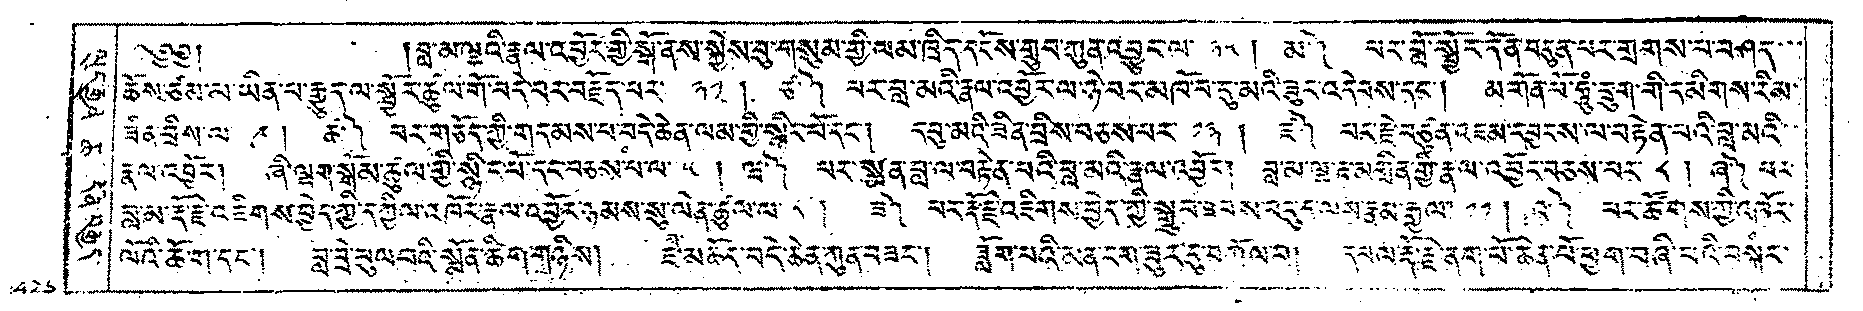༄༅། །བླ་མ་ལྷའི་རྣལ་འབྱོར་གྱི་སྒོ་ནས་སྐྱེས་བུ་གསུམ་གྱི་ལམ་ཁྲིད་དངོས་གྲུབ་ཀུན་འབྱུང་ལ ༢༥། མ྄་པར་བློ་སྦྱོང་དོན་བདུན་པར་གྲགས་པ་བཤད་
ཆོས་ཙམ་མ་ཡིན་པ་རྒྱུད་ལ་སྦྱོར་ཚུལ་གོ་བདེ་བར་བརྗོད་པར ༢༡། ཙ྄་པར་བླ་མའི་རྣལ་འབྱོར་ལ་ཉེ་བར་མཁོ་བ་དུ་མའི་ཟུར་འདེབས་དང་། མགོན་པོ་ཧཱུཾ་དྲུག་གི་དམིགས་རིམ་
ཟིན་བྲིས་ལ ༩། ཚ྄་པར་གཅོད་ཀྱི་གདམས་པ་བདེ་ཆེན་ལམ་གྱི་སྙིང་པོ་དང་། དབུ་མའི་ཟིན་བྲིས་བཅས་པར ༡༣། ཛ྄་པར་རྗེ་བཙུན་འཇམ་དབྱངས་ལ་བརྟེན་པའི་བླ་མའི་
རྣལ་འབྱོར། ཞི་ལྷག་སྒོམ་ཚུལ་གྱི་སྙིང་པོ་དང་བཅས་པ་ལ ༥། ཝ྄་པར་སྨན་བླ་ལ་བརྟེན་པའི་བླ་མའི་རྣལ་འབྱོར། བླ་མ་ལྷ་རྟ་མགྲིན་གྱི་རྣལ་འབྱོར་བཅས་པར ༨། ཞ྄་པར་
བླ་མ་རྡོ་རྗེ་འཇིགས་བྱེད་ཀྱི་དཀྱིལ་འཁོར་རྣལ་འབྱོར་ཉམས་སུ་ལེན་ཚུལ་ལ ༨། ཟ྄་པར་རྡོ་རྗེ་འཇིགས་བྱེད་ཀྱི་སྒྲུབ་ཐབས་བདུད་ལས་རྣམ་རྒྱལ ༡༡། འ྄་པར་ཚོགས་ཀྱི་འཁོར་
ལོའི་ཆོ་ག་དང་། བླ་བྲེ་ཕུལ་བའི་སྨོན་ཚིག་གཉིས། ཇ་ཀ་མཆོད་བདེ་ཆེན་ཀུན་བཟང་། ཟློག་པའི་མན་ངག་ཟུར་དུ་བཀོལ་བ། དཔལ་རྡོ་རྗེ་ནག་པོ་ཆེན་པོ་ཕྱག་བཞི་པའི་བསྐང྾་